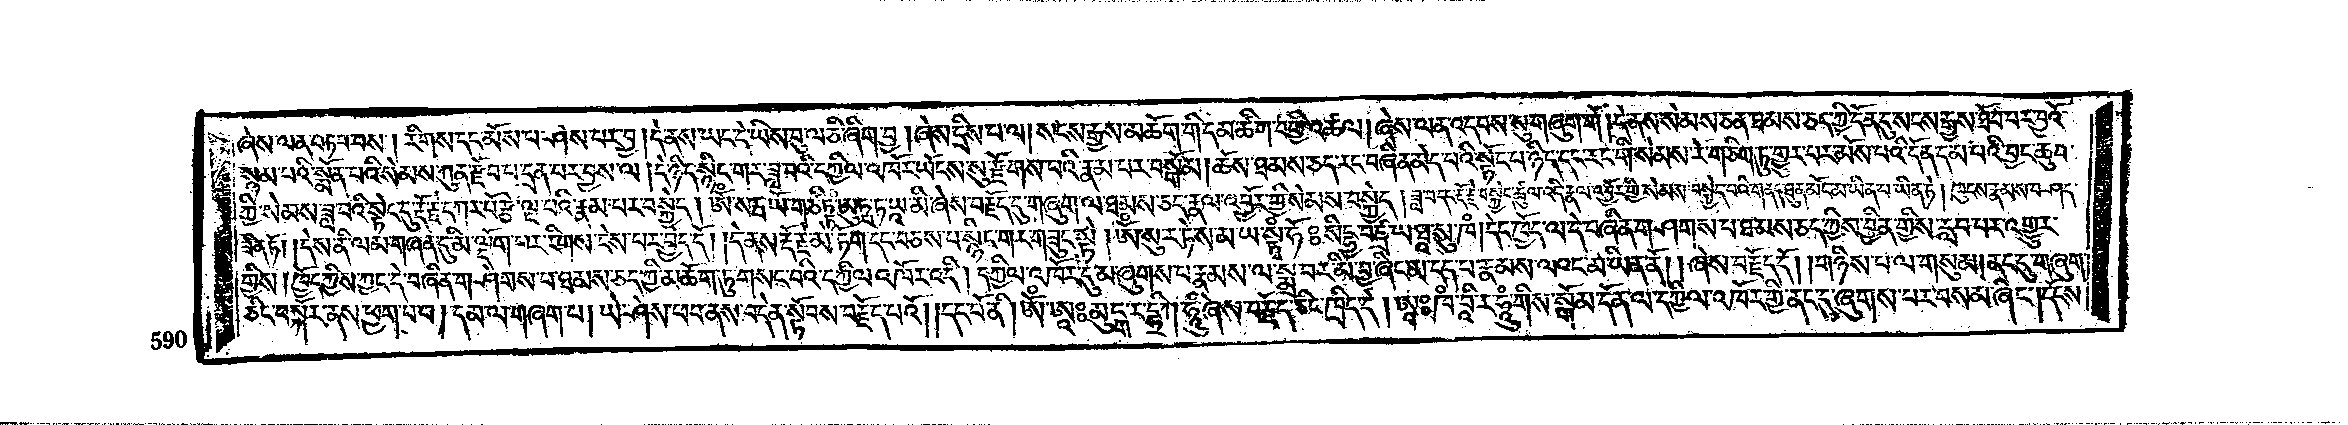ཞེས་ལན་བཏབ་པས། རིགས་དང་མོས་པ་ཤེས་པར་བྱ། དེ་ནས་ཡང་དེ་ཡིས་བུ་ལ་ཅི་ཞིག་བྱ། ཞེས་དྲིས་པ་ལ། སངས་རྒྱས་མཆོག་གི་དམ་ཚིག་བགྱི་འཚལ། ཞེས་ལན་འདབས་སུ་གཞུག་གོ། དེ་ནས་སེམས་ཅན་ཐམས་ཅད་ཀྱི་དོན་དུ་སངས་རྒྱས་ཐོབ་པར་བྱའོ་
སྙམ་པའི་སྨོན་པའི་སེམས་ཀུན་རྫོབ་པ་དྲན་པར་བྱས་ལ། དེ་ཉིད་སྙིང་གར་ཟླ་བའི་དཀྱིལ་འཁོར་ཡོངས་སུ་རྫོགས་པའི་རྣམ་པར་བསྒོམ། ཆོས་ཐམས་ཅད་རང་བཞིན་མེད་པའི་སྟོང་པ་ཉིད་དང་རང་གི་སེམས་རོ་གཅིག་ཏུ་གྱུར་པར་མོས་པའི་དོན་དམ་པའི་བྱང་ཆུབ་
ཀྱི་སེམས་ཟླ་བའི་སྟེང་དུ་རྡོ་རྗེ་དཀར་པོ་རྩེ་ལྔ་པའི་རྣམ་པར་བསྐྱེད། ཨོཾ་སརྦ་ཡོ་ག་ཙིཏྟཾ་ཨུཏྤ་ཏ་ཡཱ་མི་ཞེས་བརྗོད་དུ་གཞུག་ལ་ཐམས་ཅད་རྣལ་འབྱོར་གྱི་སེམས་བསྐྱེད། ཟླ་བ་དང་རྡོ་རྗེ་བསྐྱེད་ཚུལ་འདི་རྣལ་འབྱོར་གྱི་སེམས་བསྐྱེད་པའི་གནད་ཐུན་མོང་མ་ཡིན་པ་ཡིན་ཏེ། ཁུངས་རྣམས་བཤད་
ཟིན་ཏོ། །དེས་ནི་ལམ་གཞན་དུ་མི་ལྡོག་པར་རིགས་ངེས་པར་བྱེད་དོ། །དེ་ནས་རྡོ་རྗེ་མེ་ཏོག་དང་བཅས་པ་སྙིང་གར་གཟུང་སྟེ། ཨོཾ་སུ་ར་ཏེ་ས་མ་ཡ་སྟྭཾ་ཧོཿ སིདྷྱ་བཛྲ་ཡ་ཐཱ་སུ་ཁཾ། དེང་ཁྱོད་ལ་དེ་བཞིན་གཤེགས་པ་ཐམས་ཅད་ཀྱིས་བྱིན་གྱིས་རླབ་པར་འགྱུར་
གྱིས། ཁྱོད་ཀྱིས་ཀྱང་དེ་བཞིན་གཤེགས་པ་ཐམས་ཅད་ཀྱི་མཆོག་ཏུ་གསང་བའི་དཀྱིལ་འཁོར་འདི། དཀྱིལ་འཁོར་དུ་མ་ཞུགས་པ་རྣམས་ལ་སྨྲ་བར་མི་བྱ་ཞིང་མ་དད་པ་རྣམས་ལའང་མ་ཡིན་ནོ། །ཞེས་བརྗོད་དོ། །གཉིས་པ་ལ་གསུམ། ནང་དུ་གཞུག་
ཅིང་བསྐོར་ནས་ཕྱག་བྱ་བ། དམ་ལ་གཞག་པ། ཡེ་ཤེས་ཕབ་ནས་བདེན་སྟོབས་བརྗོད་པའོ། །དང་པོ་ནི། ཨོཾ་ཨཱཿ མུངྒ་ར་དྷྲིཀ་ཧཱུཾ་ཞེས་བརྗོད་ཅིང་ཁྲིད་དེ། ཨཱཿ ཁཾ་བཱི་ར་ཧཱུཾ་གིས་སྒོམ་དོན་ལ་དཀྱིལ་འཁོར་གྱི་ནང་དུ་ཞུགས་པར་བསམ་ཞིང་། དངོས་